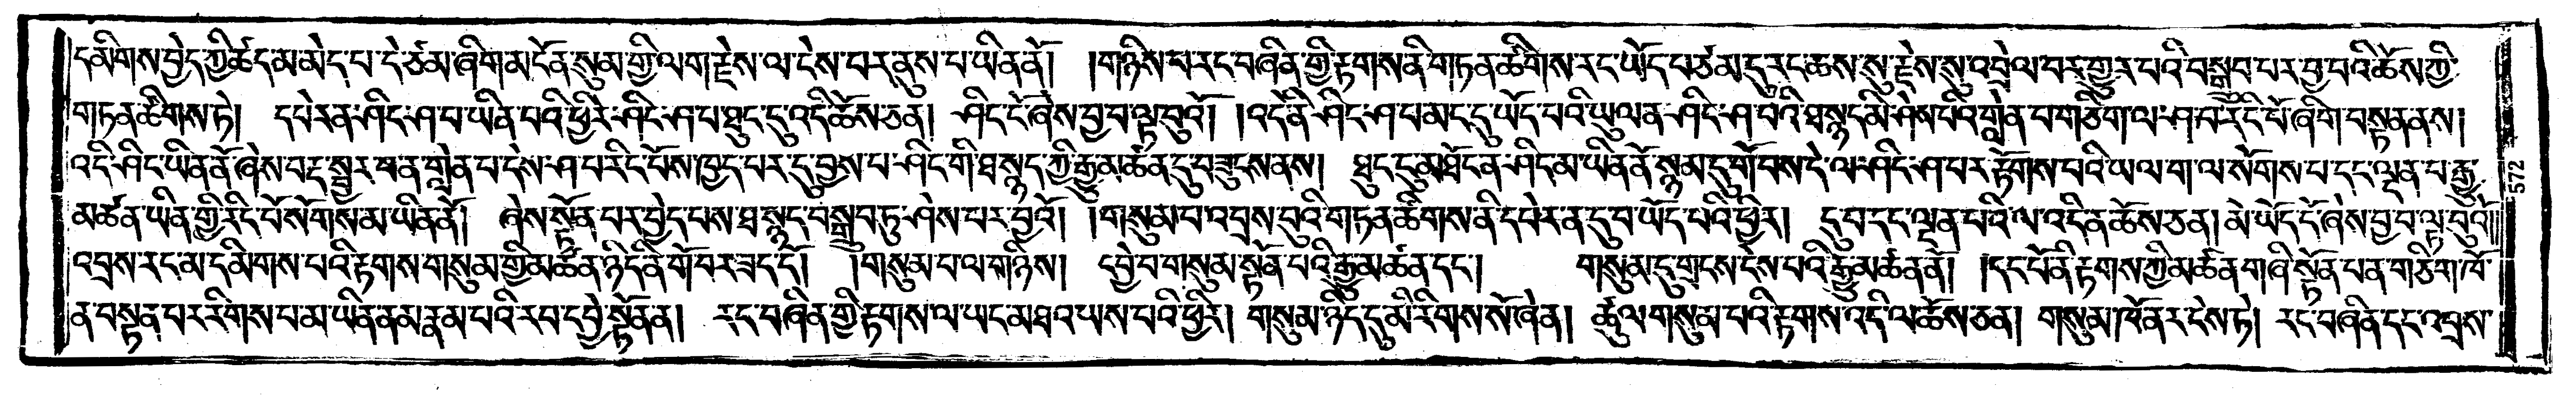དམིགས་བྱེད་ཀྱི་ཚད་མ་མེད་པ་དེ་ཙམ་ཞིག་མངོན་སུམ་གྱི་ལག་རྗེས་ལ་ངེས་པར་ནུས་པ་ཡིན་ནོ། །གཉིས་པ་རང་བཞིན་གྱི་རྟགས་ནི་གཏན་ཚིགས་རང་ཡོད་པ་ཙམ་དུ་རང་ཆས་སུ་རྗེས་སུ་འབྲེལ་བར་གྱུར་པའི་བསྒྲུབ་པར་བྱ་བའི་ཆོས་ཀྱི་
གཏན་ཚིགས་ཏེ། དཔེར་ན་ཤིང་ཤ་པ་ཡིན་པའི་ཕྱིར་ཤིང་ཤ་པ་ཐུང་དུ་འདི་ཆོས་ཅན། ཤིང་ངོ་ཞེས་བྱ་བ་ལྟ་བུའོ། །འདི་ནི་ཤིང་ཤ་པ་མང་དུ་ཡོད་པའི་ཡུལ་ན་ཤིང་ཤ་བའི་ཐ་སྙད་མི་ཤེས་པའི་གླེན་པ་གཅིག་ལ་ཤ་བ་རིང་པོ་ཞིག་བསྟན་ནས།
འདི་ཤིང་ཡིན་ནོ་ཞེས་བརྡ་སྦྱར་བ་ན་གླེན་པ་དེས་ཤ་པ་རིང་པོས་ཁྱད་པར་དུ་བྱས་པ་ཤིང་གི་ཐ་སྙད་ཀྱི་རྒྱུ་མཚན་དུ་བཟུང་ནས། ཐུང་དུ་མཐོང་ན་ཤིང་མ་ཡིན་ནོ་སྙམ་དུ་གོ་བས་དེ་ལ་ཤིང་ཤ་པར་རྟོགས་པའི་ཡལ་ག་ལ་སོགས་པ་དང་ལྡན་པ་རྒྱུ་
མཚན་ཡིན་གྱི་རིང་པོ་སོགས་མ་ཡིན་ནོ། ཞེས་སྟོན་པར་བྱེད་པས་ཐ་སྙད་བསྒྲུབ་ཏུ་ཤེས་པར་བྱའོ། །གསུམ་པ་འབྲས་བུའི་གཏན་ཚིགས་ནི་དཔེར་ན་དུ་བ་ཡོད་པའི་ཕྱིར། དུ་བ་དང་ལྡན་པའི་ལ་འདི་ན་ཆོས་ཅན། མེ་ཡོད་དོ་ཞེས་བྱ་བ་ལྟ་བུའོ།།
འབྲས་རང་མ་དམིགས་པའི་རྟགས་གསུམ་གྱི་མཚན་ཉིད་ནི་གོ་བར་ཟད་དོ། །གསུམ་པ་ལ་གཉིས། དབྱེ་བ་གསུམ་སྟོན་པའི་རྒྱུ་མཚན་དང་། གསུམ་དུ་གྲངས་ངེས་པའི་རྒྱུ་མཚན་ནོ། །དང་པོ་ནི་རྟགས་ཀྱི་མཚན་གཞི་སྟོན་པ་ན་གཅིག་ཁོ་
ན་བསྟན་པར་རིགས་པ་མ་ཡིན་ནམ་རྣམ་པའི་རབ་དབྱེ་སྟོན་ན། རང་བཞིན་གྱི་རྟགས་ལ་ཡང་མཐའ་ཡས་པའི་ཕྱིར། གསུམ་ཉིད་དུ་མི་རིགས་སོ་ཞེ་ན། ཚུལ་གསུམ་པའི་རྟགས་འདི་ལ་ཆོས་ཅན། གསུམ་ཁོ་ནར་ངེས་ཏེ། རང་བཞིན་དང་འབྲས་